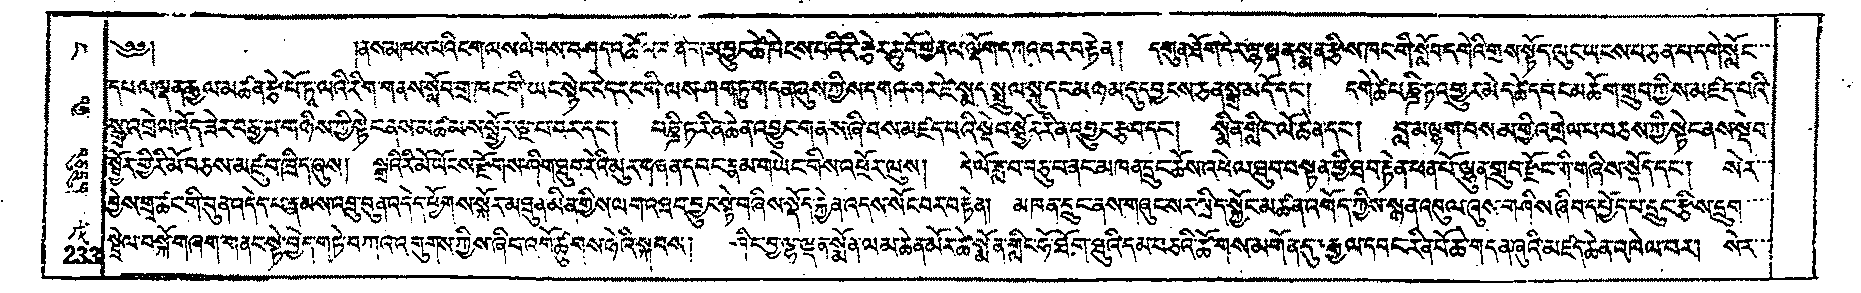༄༅། །ནས་མཁས་པའི་ངག་ལས་ལེགས་བཤད་འཚོལ་བཞིག་མ་བྱུང་ཚེ་ཁེངས་པའི་རི་རྩེར་ཆུ་བོ་གྱེན་ལ་ལྡོག་དཀའ་བར་བརྟེན། དགུན་ཐོག་དེར་ལྷ་ལྡན་སྨན་རྩིས་ཁང་གི་སློབ་དགེའི་གྲས་སྟོད་ལུང་ཡངས་པ་ཅན་པ་དགེ་སློང་
དཔལ་ལྡན་རྒྱལ་མཚན་རྩེ་པོ་ཏཱ་ལའི་རིག་གནས་སློབ་གྲ་ཁང་གི་ཡང་སྟེང་ངེད་རང་གི་ལས་ཤག་ཏུ་གདན་ཞུས་ཀྱིས་དགའ་ཤར་ཛེ་སྨད་སྤྲུལ་སྐུ་དང་མཉམ་དུ་དབྱངས་ཅན་སྒྲ་མདོ་དང་། དགེ་ཚེ་པཎྜི་ཏ་འགྱུར་མེད་ཚེ་དབང་མཆོག་གྲུབ་ཀྱིས་མཛད་པའི་
སྒྲ་འགྲེལ་འོད་ཟེར་བརྒྱ་པ་གཉིས་ཀྱི་སྟེང་ནས་མཚམས་སྦྱོར་ལྔ་པ་བར་དང་། པཎྜི་ཏ་རིན་ཆེན་འབྱུང་གནས་ཞི་བས་མཛད་པའི་སྡེབ་སྦྱོར་རིན་འབྱུང་རྩ་བ་དང་། སྨིན་གླིང་ལོ་ཆེན་དང་། བླ་མ་ལྷག་བསམ་གྱི་འགྲེལ་པ་བཅས་ཀྱི་སྟེང་ནས་སྡེབ་
སྦྱོར་གྱི་རི་མོ་བཅས་མཛུབ་ཁྲིད་ཞུས། སྒྲའི་རི་མོ་ཡོངས་རྫོགས་ཤིག་ཐུབ་རེའི་མུར་གཞན་དབང་རྣམ་གཡེང་གིས་འཕྲོར་ལུས། དེ་ལོ་ཟླ་བ་བཅུ་པ་ནང་མཁན་དྲུང་ཆོས་འཕེལ་ཐུབ་བསྟན་གྱི་ཐབ་རྟེན་ཕན་པོ་ལྷུན་གྲུབ་རྫོང་གི་གཞིས་སྡོད་དང་། སེར་
བྱེས་གྲྭ་ཚང་གི་བུན་འདེད་པ་རྣམས་འབྲུ་བུན་འདེད་ཕྱོགས་སྐོར་མཐུན་མིན་གྱིས་ལག་འཐབ་བྱུང་སྟེ་གཞིས་སྡོད་རྐྱེན་འདས་སོང་བར་བརྟེན། མཁན་དྲུང་ནས་གཞུང་སར་སྲིད་སྐྱོང་མཚན་འགོད་ཀྱིས་སྙན་འབུལ་ཞུས་གཤིས་ཞིབ་དཔྱོད་པ་དྲུང་རྩིས་དྲུག་
སྦྲེལ་བསྐོ་གཞག་གནང་སྟེ་བྱེད་གཏེ་བཀའ་འགུགས་ཀྱིས་ཞིབ་འགོ་ཚུགས་ཉེའི་སྐབས། ཤིང་བྱ་ལྷ་ལྡན་སྨོན་ལམ་ཆེན་མོར་ཚེ་སྨོན་གླིང་ཧོ་ཐོག་ཐུའི་དམ་བཅའི་ཚོགས་མགོན་དུ་༧རྒྱལ་དབང་རིན་པོ་ཆེ་གདན་ཞུའི་མཛད་ཆེན་འཁེལ་བར། སེ་ར་